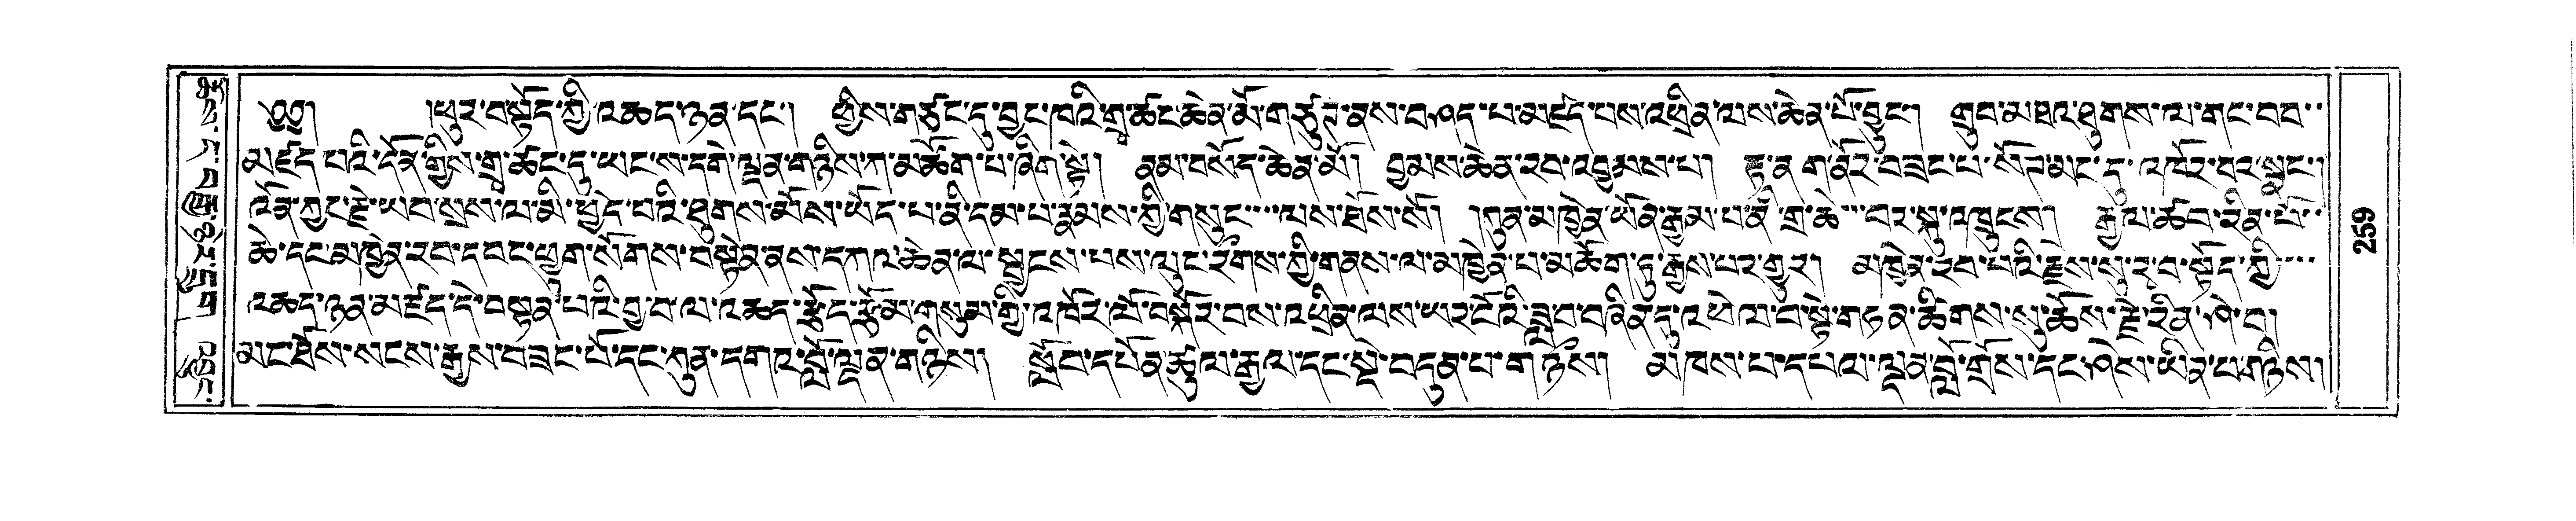༄༅། །ཕུར་བསྟོད་ཀྱི་འཆད་ཉན་དང་། ཕྱིས་གཙང་དུ་བྱང་ཁའི་གྲྭ་ཚང་ཆེན་མོ་གཙུཌ་ནས་བཤད་པ་མཛད་པས་འཕྲིན་ལས་ཆེན་པོ་བྱུང་། གྲུབ་མཐའ་ཐུགས་ལ་གང་བབ་
མཛད་པའི་དོན་གྱིས་གྲྭ་ཚང་དུ་ཡང་ས་དགེ་ལྡན་གཉིས་ཀ་མཚོགས་པ་ཞིག་སྟེ། ནམ་བསོད་ཆེན་མོ། བྱམས་ཆེན་རབ་འབྱམས་པ། རྟན་ནག་ནོར་བཟང་པ་སོཌ་མང་དུ་འཁོར་བར་སྣང་
འོན་ཀྱང་རྗེ་ཡབ་སྲས་ལ་མི་ཕྱེད་པའི་ཐུགས་མོས་ཡོད་པ་ནི་དམ་པ་རྣམས་ཀྱི་གསུང་ལས་ཐོས་སོ། །ཀུན་མཁྱེན་ཡོན་རྒྱམ་པ་ནི་གྲ་ཆེ་བར་སྐུ་འཁྲུངས། རྒྱལ་ཚབ་རིན་པོ་
འཆད་ཉན་མཛད་དེ་བསྟན་པའི་བྱ་བ་ལ་འཆད་རྩོད་རྩོམ་གསུམ་གྱི་འཁོར་ལོ་བསྐོར་བས་འཕྲིན་ལས་ཡར་ངོའི་ཟླ་བ་བཞིན་དུ་འཕེལ་བ་སྟེ་གཏན་ཚིགས་སུ་ཆོས་རྗེ་རིན་ཤེ་བ།
མང་ཐོས་སངས་རྒྱས་བཟང་པོ་དང་ཀུན་དགའ་བློ་ལྡན་གཉིས། སློབ་དཔོན་ཚུལ་རྒྱལ་དང་སྡེ་བདུན་པ་གཉིས། མཁས་པ་དཔལ་ལྡན་བློ་གྲོས་དང་ཤེས་ཡིན་པ་གཉིས།